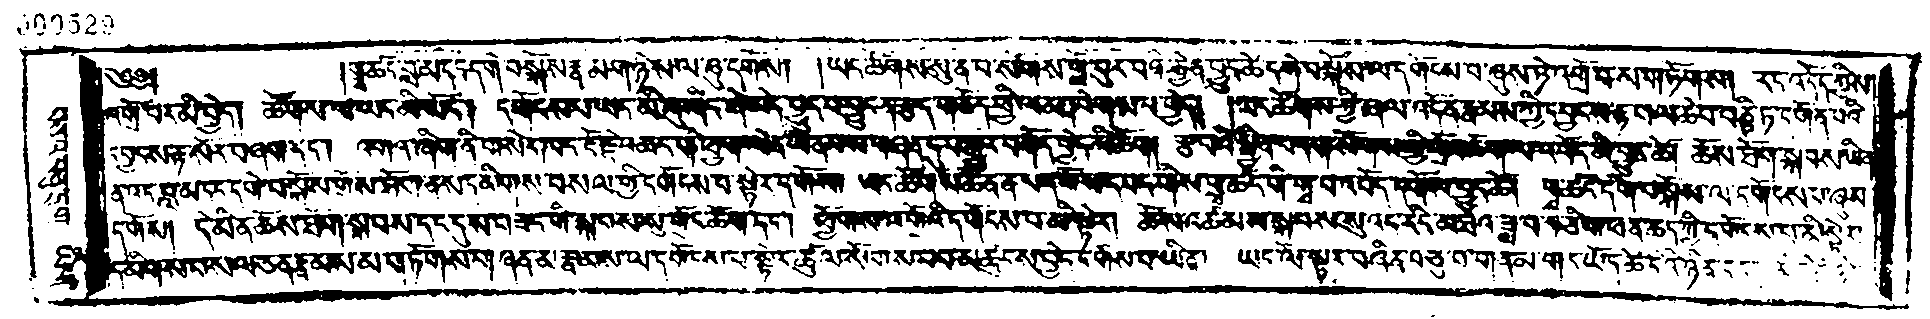༄༅། །གྲྭ་ཚང་བླ་མ་དང་དགེ་བསྐོས་རྣམ་གཉིས་ལ་ཞུ་དགོས། །ཡང་ཚོགས་སུ་ན་བ་སོགས་གློ་བུར་བའི་རྐྱེན་བྱུང་ཚེ་དགེ་བསྐོས་ལ་དགོངས་པ་ཞུས་ཏེ་འགྲོ་བ་མ་གཏོགས། རང་འདོད་ཀྱིས་
འགྲོ་བར་མི་བྱེད། ཚོགས་ལ་ཡང་མི་ཡོང་། དགོངས་པ་ཡང་མི་ཞུ་ཞིང་ཞེ་མེད་བྱུང་བ་བྱུང་ན་རྩད་གཅོད་ཕྱི་ལམ་ཁེགས་པ་བྱེད། །ཡང་ཚོགས་ཀྱི་ཞལ་འདོན་རྣམས་ཀྱི་དབྱངས་རྟ་ཕལ་ཆེ་བ་པཎྜི་ཏ་དགོན་པའི་
དབྱངས་རྟ་སོར་བཞག་དང་། འགའ་ཞིག་ནི་གསེར་ཁང་རྡོ་རྗེ་འཆང་གི་ཕྱག་ལེན་ཡིན་པས་གཞན་དུ་བསྒྱུར་བཀོད་བྱེད་མི་ཆོག །རྩ་བའི་སྦྱིན་བདག་སོགས་ཀྱི་གྲོང་ཆོག་ལ་འབོད་མི་བྱུང་ཚེ། ཆོས་ཐོག་སྐབས་ཡིན་
ནའང་བླ་མ་དང་དགེ་བསྐོས་གྲོས་ཐོག་ནས་དམིགས་བསལ་གྱི་དགོངས་པ་སྟེར་དགོས། ཡང་ཚོགས་ཆེན་ནས་དགོས་དབང་གིས་གྲྭ་ཚང་གི་གྲྭ་བ་འབོད་དགོས་བྱུང་ཚེ། གྲྭ་ཚང་དགེ་བསྐོས་ལ་དགོངས་པ་ཞུས་
དགོས། དེ་མིན་ཆོས་ཐོག་སྐབས་དང་དུས་བཟང་གི་སྐབས་སུ་གྲོང་ཆོག་དང་། ཕྱོགས་འགྲོའི་དགོངས་པ་མི་སྟེར། ཆོས་འཚམས་སྐབས་སུའང་རིང་མཐའ་ཟླ་བ་གཅིག་ཕན་ཆད་ཀྱི་དགོངས་པ་མི་སྟེར།
དམིགས་བསལ་ཅན་རྣམས་མ་གཏོགས་གཞན་མ་རྣམས་ལ་དགོངས་པ་སྟེར་ཚུལ་སོགས་བབ་མཚུངས་བྱེད་དགོས་པ་ཡིན། ཡང་ལོ་སྟར་བཞིན་བཅུ་བ་གནམ་གང་ཡོད་ཚེ་དེའི་ཉིན་དང་། མེད་ཚེ་ཉེར་